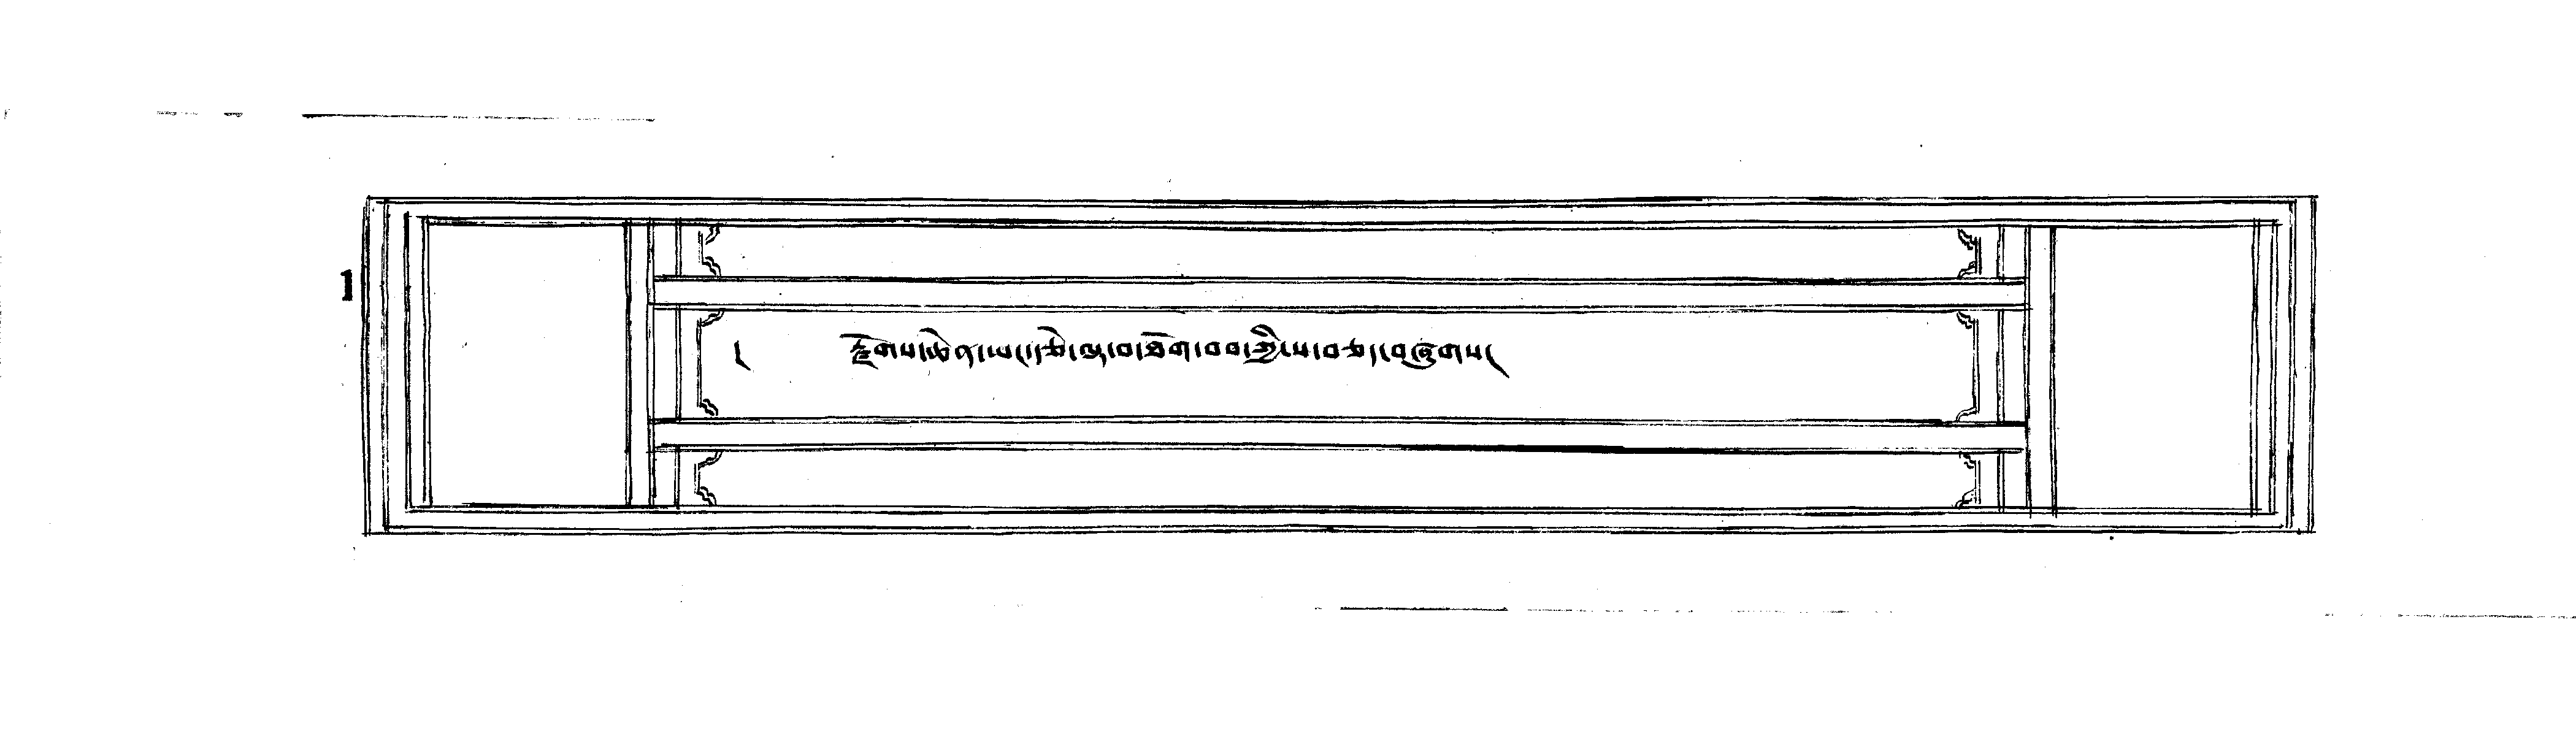རྫོགས་ཆེན་ཡང་རྩེ་ལྟ་བ་ཐོག་བབ་ཀྱི་ས་བཅད་བཞུགས།